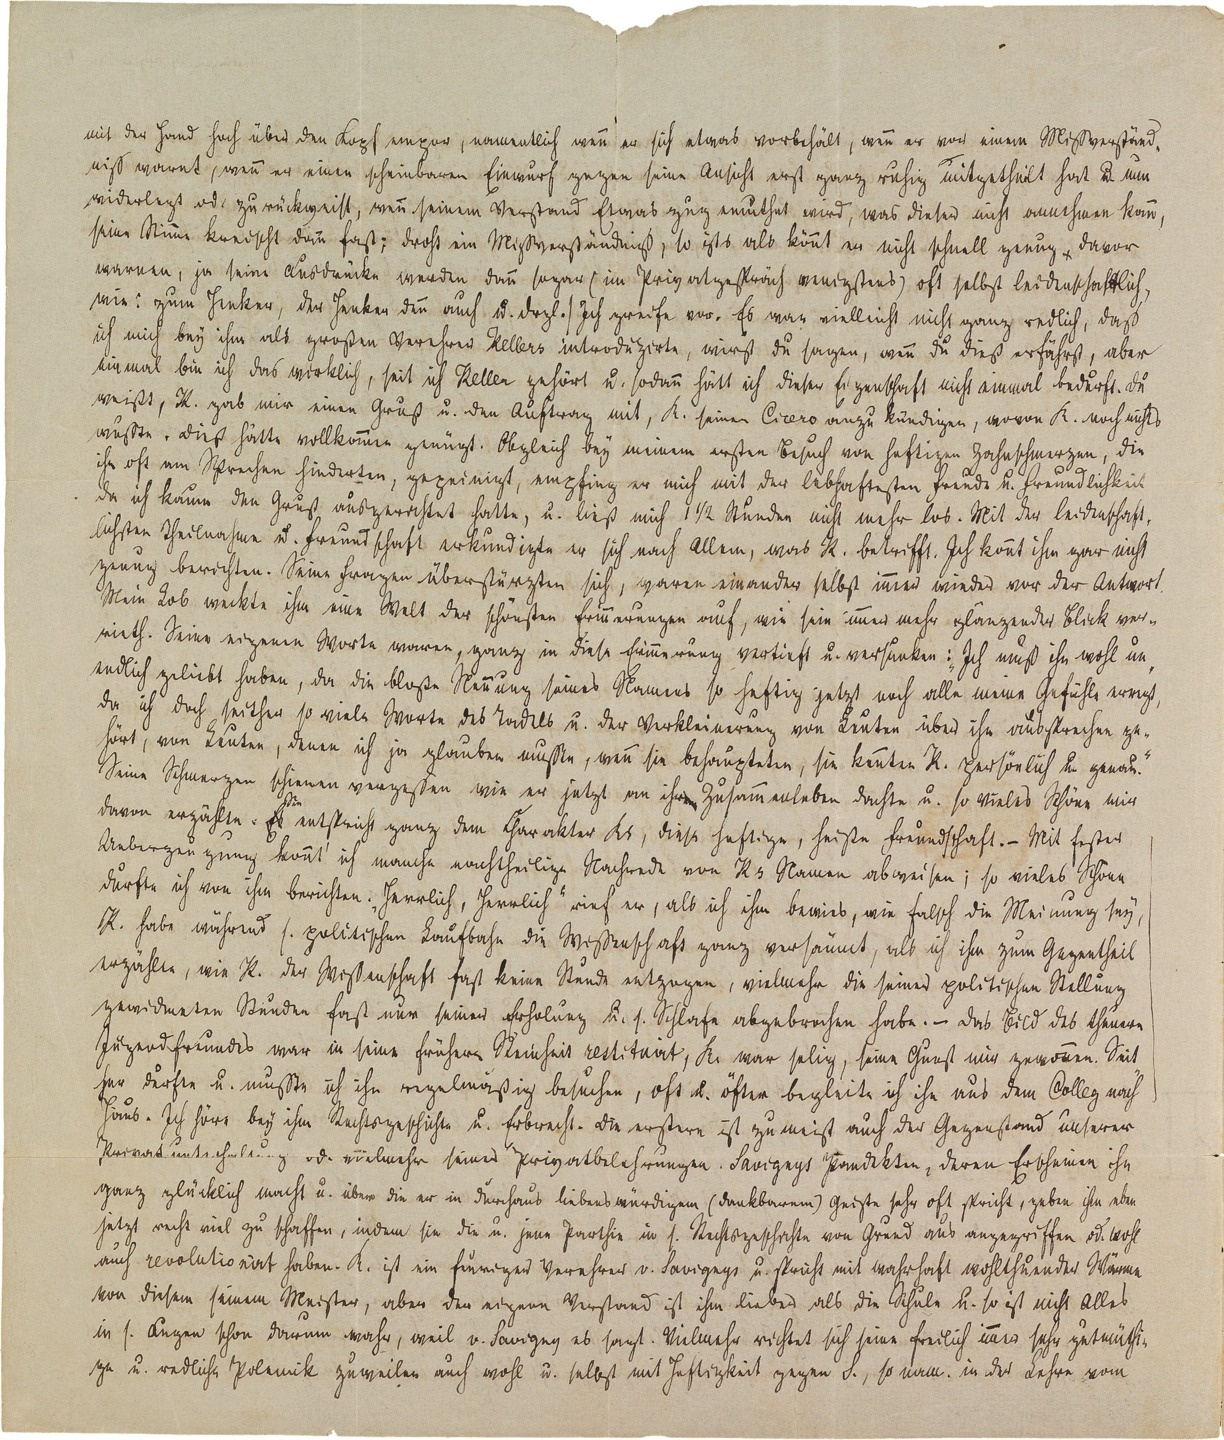mit der Hand hoch über den Kopf empor, namentlich wenn er sich etwas vorbehält, wenn er vor einem Mißverständ-
niß warnt, wenn er einen scheinbaren Einwurf gegen seine Ansicht erst ganz ruhig mitgetheilt hat u. nun
widerlegt od. zurückweist, wenn seinem Verstand Etwas zugemuthet wird, was dieser nicht annehmen kann,
seine Stimme kreischt dann fast; droht ein Mißverständniß, so ists als könnt er nicht schnell genug davor
warnen, ja seine Ausdrücke werden dann sogar (im Privatgespräch wenigstens) oft selbst leidenschaftlich,
wie: zum Henker, der Henker denn auch u. drgl. Ich greife vor. Es war vielleicht nicht ganz redlich, daß
ich mich bey ihm als großen Verehrer Kellers introduzirte, wirst du sagen, wenn du dieß erfährst, aber
einmal bin ich das wirklich, seit ich Keller gehört u. sodann hätt ich dieser Eigenschaft nicht einmal bedurft. Du
weißt, K. gab mir einen Gruß u. den Auftrag mit, R. seinen Cicero anzukündigen, wovon R. noch nichts
wußte. Dieß hätte vollkommen genügt. Obgleich bey meinem ersten Besuch von heftigen Zahnschmerzen, die
ihn oft am Sprechen hinderten, gepeinigt, empfing er mich mit der lebhaftesten Freude u. Freundlichkeit
da ich kaum den Gruß ausgerichtet hatte, u. ließ mich 1½ Stunden nicht mehr los. Mit der leidenschaft-
lichsten Theilnahme u. Freundschaft erkundigte er sich nach Allem, was K. betrifft. Ich konnt ihm gar nicht
genug berichten. Seine Fragen überstürzten sich, waren einander selbst immer wieder vor der Antwort.
Mein Lob weckte ihm eine Welt der schönsten Erinnerungen auf, wie sein immer mehr glänzender Blick ver-
rieth. Seine eigenen Worte waren, ganz in diese Erinnerung vertieft u. versunken: «Ich muß ihn wohl un-
endlich geliebt haben, da die bloße Nennung seines Namens so heftig jetzt noch alle meine Gefühle erregt,
da ich doch seither so viele Worte des Tadels u. der Verkleinerung von Leuten über ihn aussprechen ge-
hört, von Leuten, denen ich ja glauben mußte, wenn sie behaupteten, sie kennten K. persönlich u. genau.»
Seine Schmerzen schienen vergessen wie er jetzt an ihrem Zusammenleben dachte u. so vieles Schöne mir
davon erzählte. EsSie entspricht ganz dem Charakter Rs, diese heftige, heiße Freundschaft. – Mit fester
Ueberzeugung konnt' ich manche nachtheilige Nachrede von Ks Namen abweisen; so vieles Schöne
durfte ich von ihm berichten. «Herrlich, Herrlich» rief er, als ich ihm bewies, wie falsch die Meinung sey,
K. habe während s. politischen Laufbahn die Wissenschaft ganz versäumt, als ich ihm zum Gegentheil
erzählte, wie K. der Wissenschaft fast keine Stunde entzogen, vielmehr die seiner politischen Stellung
gewidmeten Stunden fast nur seiner Erholung u. s. Schlafe abgebrochen habe. – Das Bild des theuern
Jugendfreundes war in seine frühere Reinheit restituirt, R. war selig, seine Gunst mir gewonnen. Seit-
her durfte u. mußte ich ihn regelmäßig besuchen, oft u. öfter begleite ich ihn aus dem Colleg nach
Haus. Ich höre bey ihm Rechtsgeschichte u. Erbrecht. Die erstere ist zumeist auch der Gegenstand unserer
Privatunterhaltung od. vielmehr seiner Privatbelehrungen. Savignys Pandekten, deren Erscheinen ihn
ganz glücklich macht u. über die er in durchaus liebenswürdigem (dankbarem) Geiste sehr oft spricht, geben ihm eben
jetzt recht viel zu schaffen, indem sie die u. jene Parthie in s. Rechtsgeschichte von Grund aus angegriffen od. wohl
auch revolutionirt haben. R. ist ein feuriger Verehrer v. Savignys u. spricht mit wahrhaft wohlthuender Wärme
von diesem seinem Meister, aber der eigene Verstand ist ihm lieber als die Schule u. so ist nicht Alles
in s. Augen schon darum wahr, weil v. Savigny es sagt. Vielmehr richtet sich seine freilich immer sehr gutmüthi-
ge u. redliche Polemik zuweilen auch wohl u. selbst mit Heftigkeit gegen S., so nam. in der Lehre vom